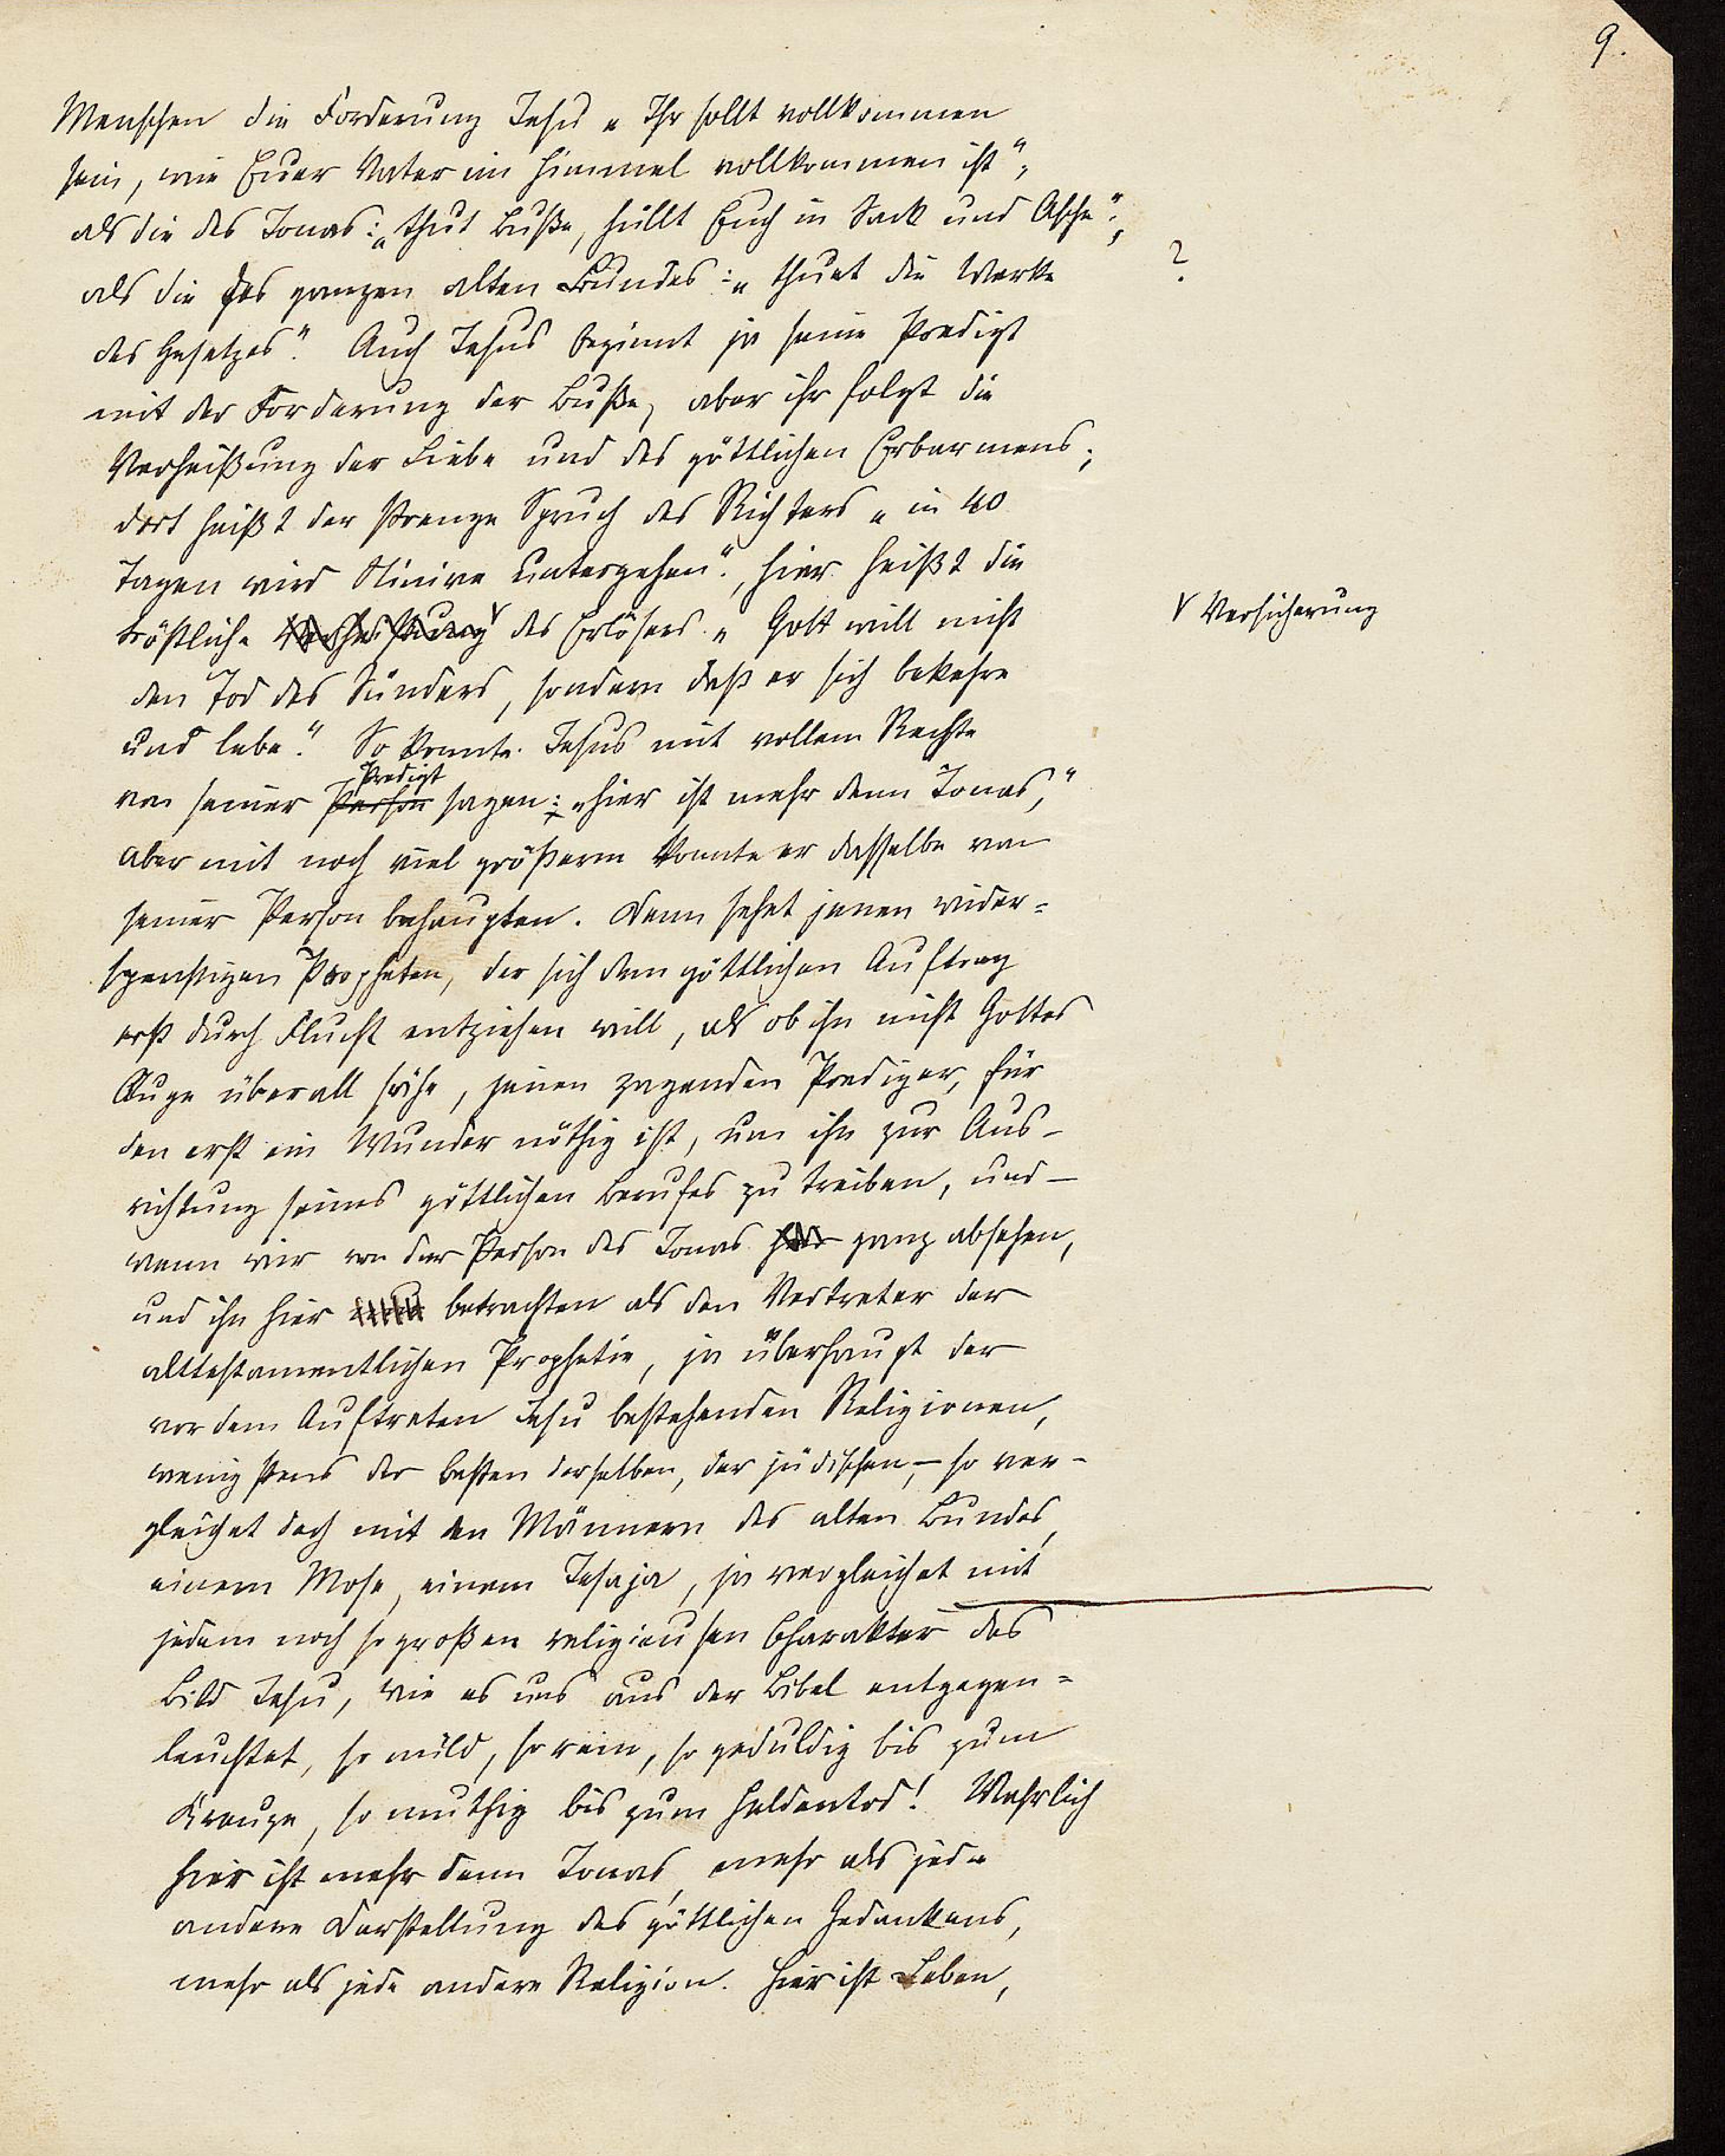Menschen, die Forderung Jesu "Ihr sollt volkommen
sein, wie Euer Vater im Himmel vollkommen ist",
als die des Jonas: "thut Buße, hüllt Euch in Sack und Asche.",
als die des ganzen alten Bundes: "thut die Werke
des Gesetzes." Auch Jesus beginnt ja seinme Predigt
mit der Forderung der Buße, aber ihr folgt die
Verheißung der Liebe und des göttlichen Erbarmens;
dort heißt der strenge Spruch des Richters "in 40
Tagen wird Ninive untergehen." Hier heißt die
tröstliche Verheisung des Erlösers. "Gott will nicht
den Tod des Sünders, sondern daß er sich bekehre
und lebe." So konnte Jesus mit vollem Rechte
Predit
von seiner Person sagen: "Hier ist mehr denn Jonas,"
aber mit noch viel größerm konnte er dasselbe von
seiner Peron behaupten. Denn sehet jenen wider¬
spenstigen Propheten, der sich dem göttlichen Auftrag
erst durch Flucht entziehen will, as ob ihn nicht Gottes
Auge überall sähe, jenen Prediger, für
den erst ein Wunder nöthig ist, um ihn zur Aus¬
richtung seines göttlichen Berufes zu treiben, und
wenn wir, von dier Person des Jonas ganz absehen,
und ihn hier nur betrachten als den Vertreter der
alttestamentlichen Prophetie, ja überhaupt der
vor dem Auftreten Jesu bestehenden Religionen,
wenigstens der besten derselben, der jüdischen,- so ver¬
gleichet doch mit den Männern des alten Bundes
einen Mose, einen Jesaja, ja vergleichet mit
jedem noch so großen religieusn Chrakter das
Bild Jesu, wie es uns aus der Bibel entgegen¬
leuchtet, so mild, so rein, so geduldig bis zum
Kreuze, so muthig bis zum Heldentod! Warhlich
hier ist mehr denn Jonas, mehr als jede
andere Darstellung des göttlichen Gedenkens,
mehr als jede andere Religion. Hier ist Leben,
V Versicherung